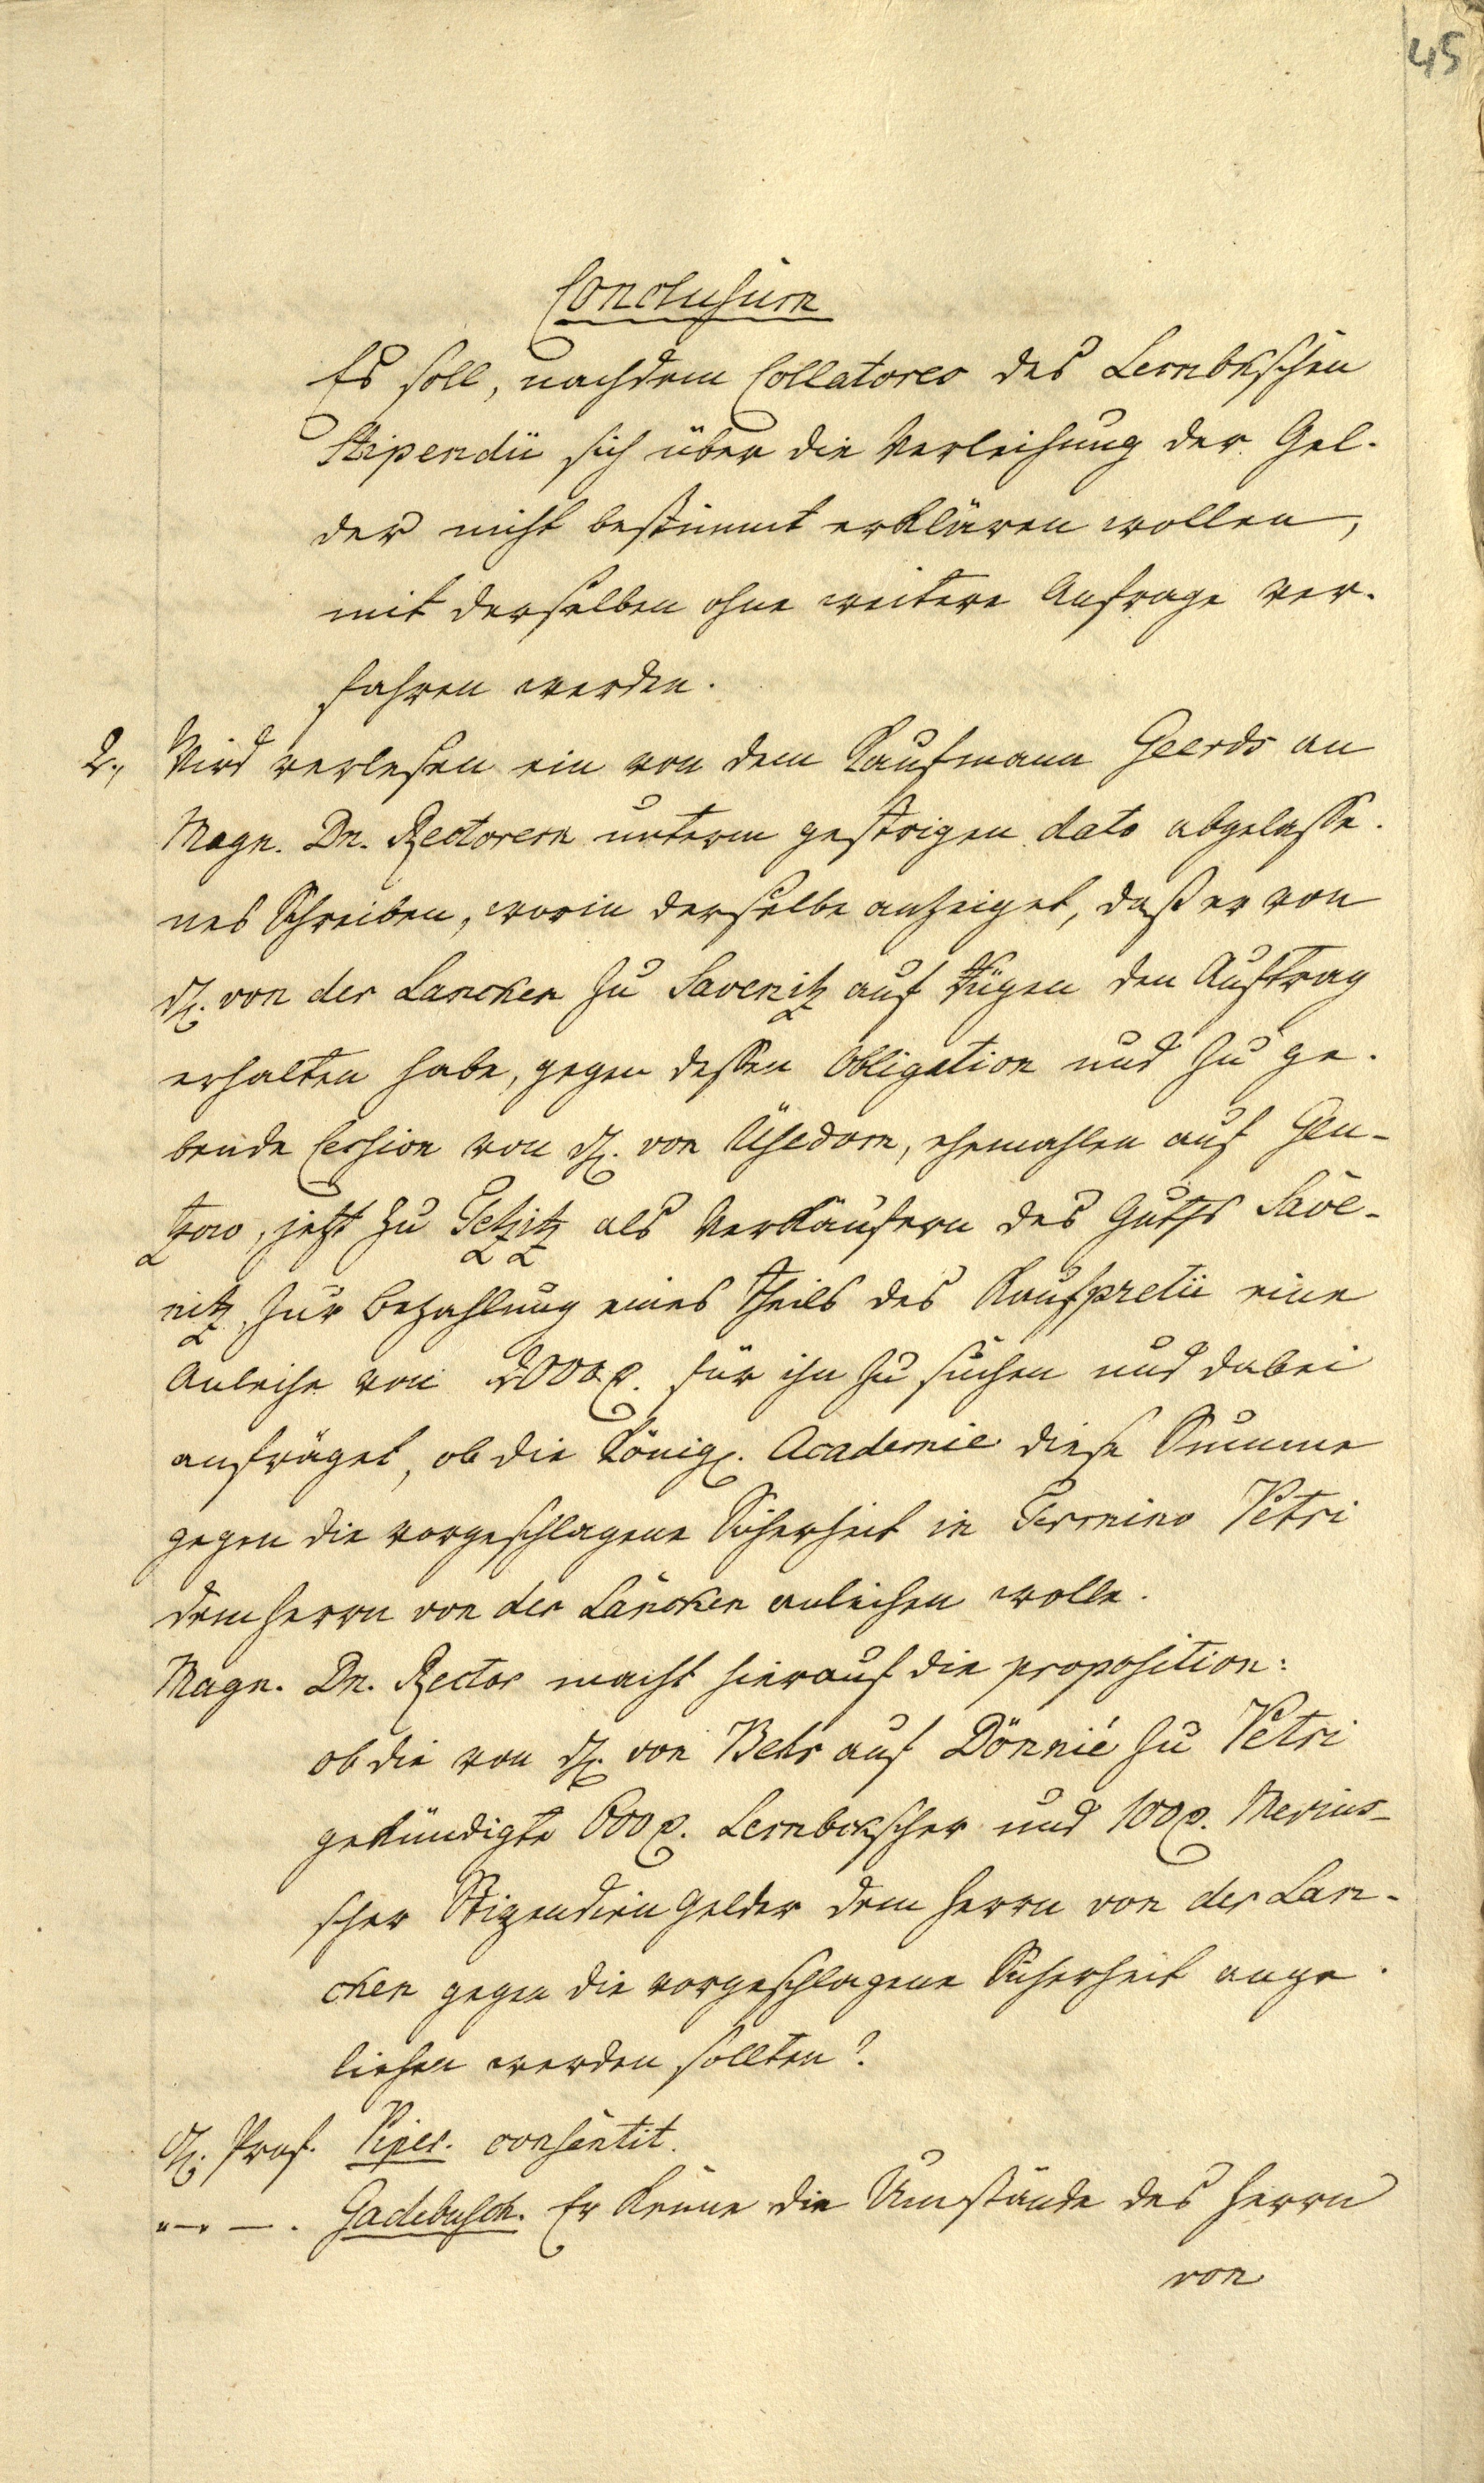Conclusum
Es soll, nachdem Collatores des Lembkschen
Stipendii sich über die Verleihung der Gel-
der nicht bestimmt erklären wollen,
mit derselben ohne weitere Anfrage ver-
fahren werden.
2., Wird verwiesen ein von dem Kaufmann Geerds an
Magn. Dn. Rectorem unterm gestrigen dato abgelasse-
nes Schreiben, worin derselbe anzeiget, daß er von
dh. von der Lancken zu Savenitz auf Rügen den Auftrag
erhalten habe, gegen dessen Obligation und zu ge-
bende Cession von dh. von Usedom, ehemahlen auf Gen-
tzow, jetzt zu Tetzitz als Verkäufern des Guths Save-
nitz zur Bezahlung eines Theils des Kaufpretii eine
Anleihe von 2000rtl. für ihn zu suchen und dabei
anfräget, ob die Königl. Academie diese Summe
gegen die vorgeschlagene Sicherheit in Termino Petri
dem Herrn von der Lancken anleihen wolle.
Magn. Dn. Rector macht hierauf die proposition:
ob die von dh. von Behr auf Dönnie zu Petri
gekündigte 600 rtl. Lembckscher und 100rtl Mevius-
scher Stipendiengelder dem Herrn von der Lan-
cken gegen die vorgeschlagene Sicherheit ange-
liehen werden sollten?
dh. Prof. Piper. consentit.
" - " - " Gadebusch. Er kenne die Umstände des Herrn
von